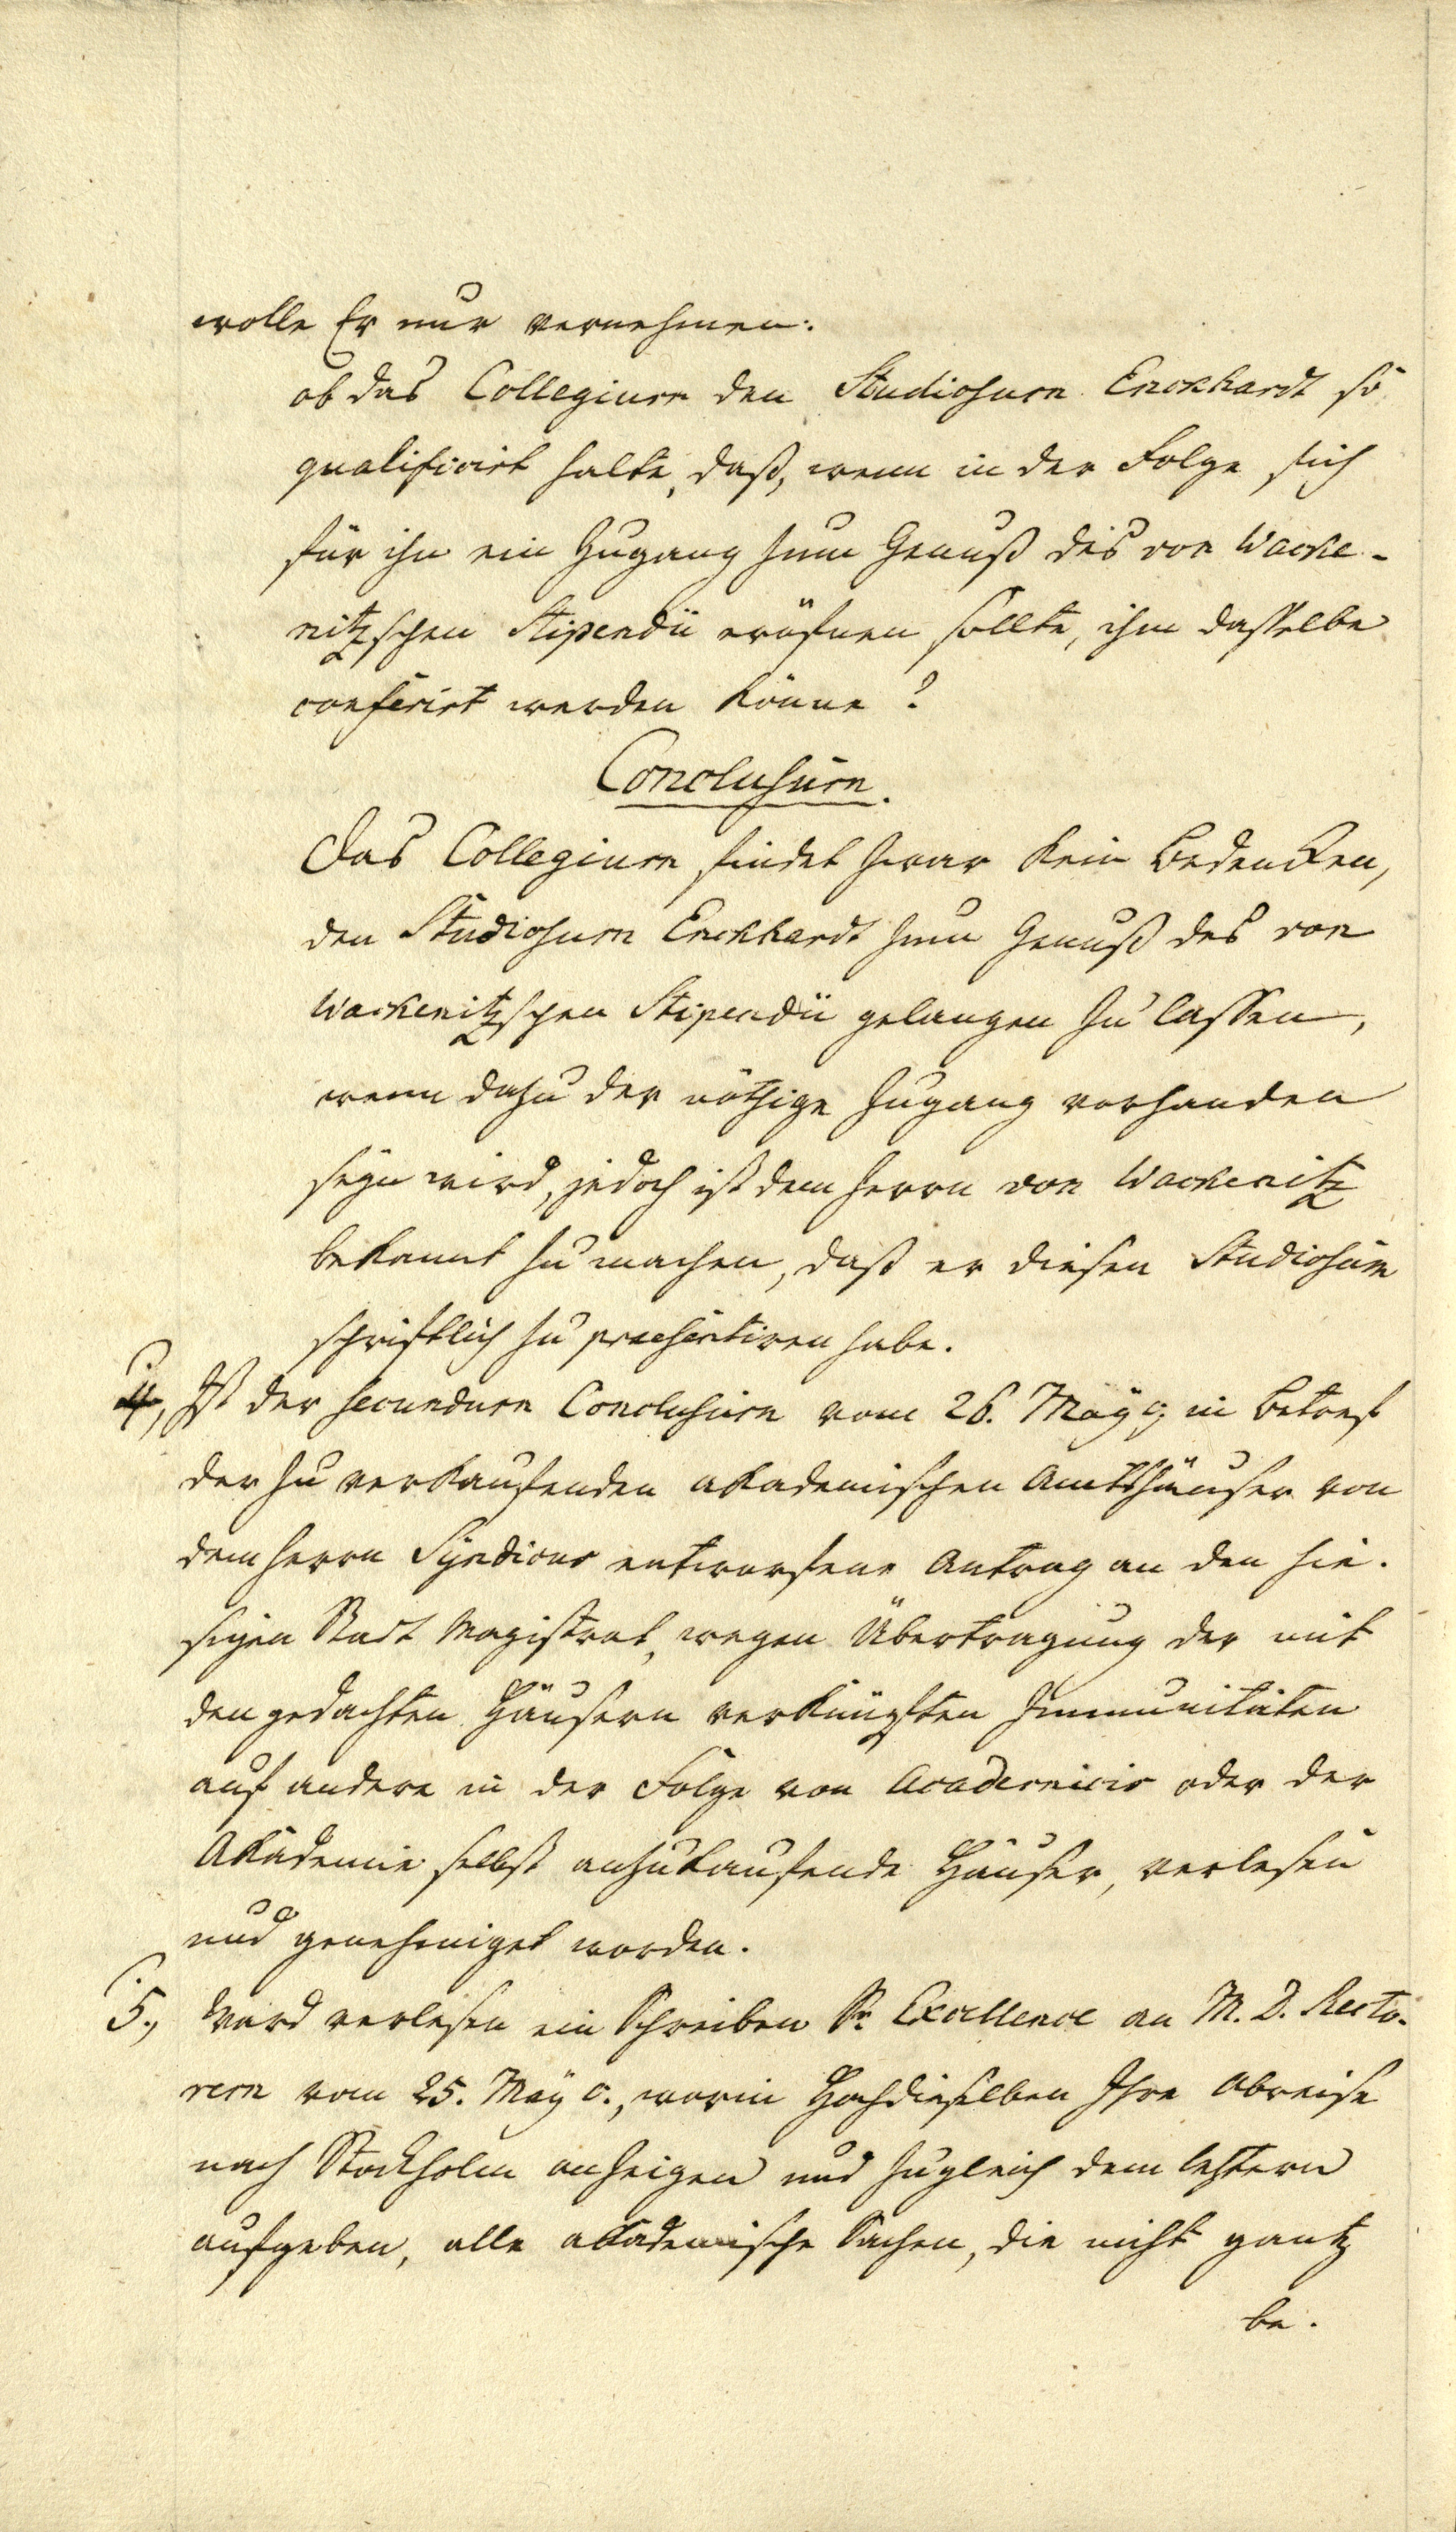wolle Er nur vernehmen:
ob das Collegium den Studiosum Enckhardt so
qualificirt halte, daß, wenn in der Folge sich
für ihn ein Zugang zum Genuß des von Wacke¬
nitzschen Stipendii eröfnen sollte, ihm dasselbe
conferirt werden könne?
Conclusum
Das Collegium findet zwar kein Bedencken,
den Studiosum Enckhardt zum Genuß des von
Wackenitzschen Stipendii gelangen zu lassen,
wenn dazu der nöthige Zugang vorhanden
seÿn wird, jedoch ist dem herrn von Wackenitz
bekannt zu machen, daß der diesen Studiosum
schriftlich zu praesentiren habe.
4, Ist der secundum Conclusum vom 26. Maÿ c. in Betref
der zu verkaufenden akademischen Amtshäuser von
dem herrn Sÿndicus entworfene Antrag an den hie¬
sigen Stadt Magistrat, wegen Übertragung der mit
den gedachten Häusern verknüpften Immunitäten
auf andere in der Folge von Academicis oder der
Akademie selbst anzukaufende Häuser, verlesen
und genehmiget worden.
5., Wird verlesen ein Schreiben Sr. Excellence an M. D. Recto¬
rem vom 25. Maÿ c., worin Hochdieselben Ihre Abreise
nach Stockholm anzeigen und zugleich dem letztern
aufgeben, alle akademische Sachen, die nicht gantz
be